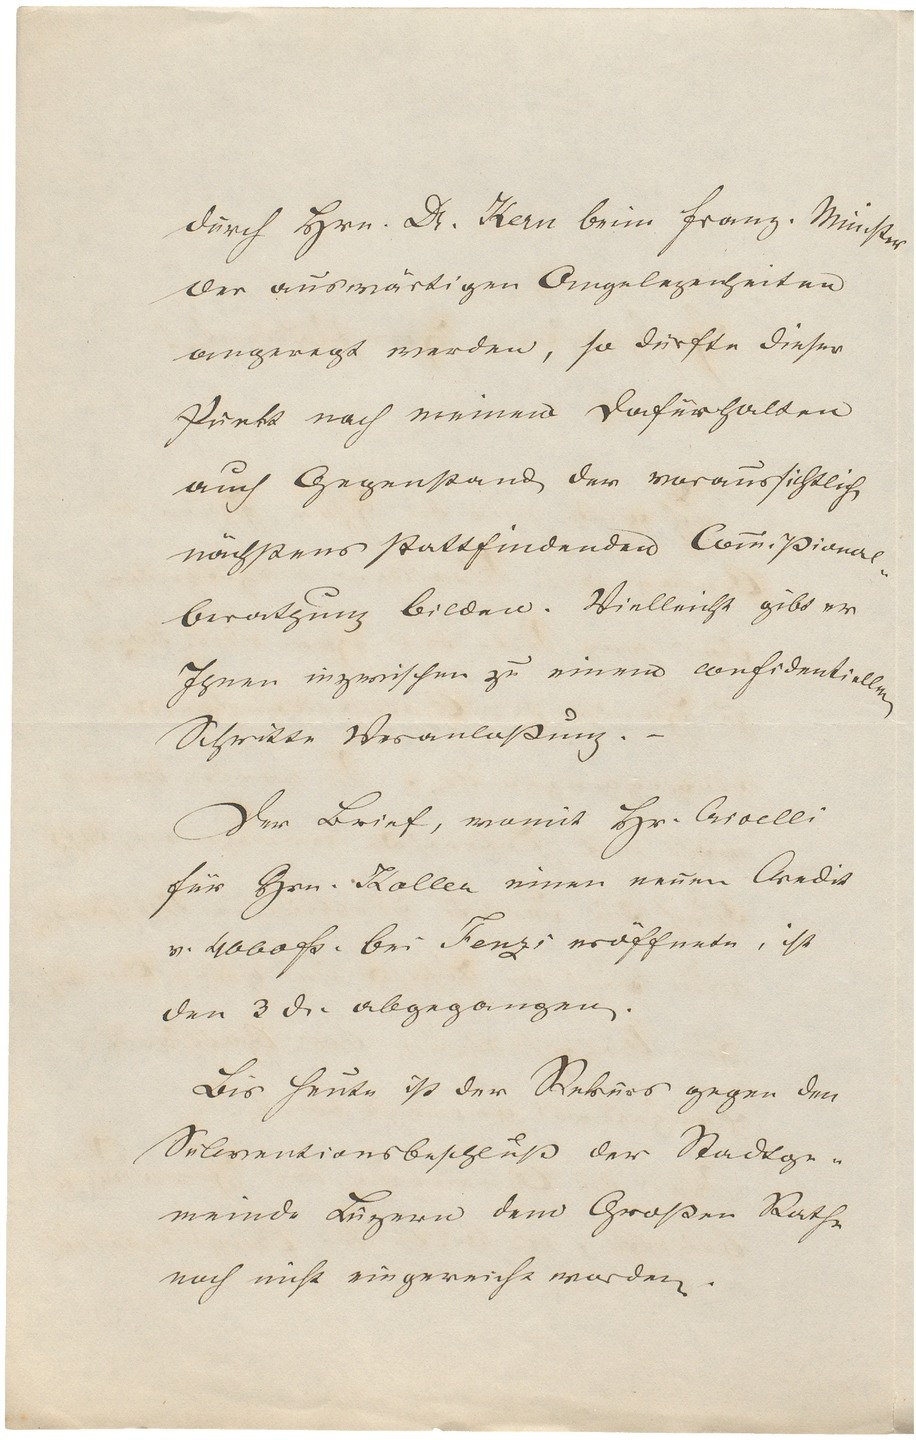durch Hrn. Dr. Kern beim franz. Minister
der auswärtigen Angelegenheiten
angeregt werden, so dürfte dieser
Punkt nach meinem Dafürhalten
auch Gegenstand der voraussichtlich
nächstens stattfindenden Commißional -
berathung bilden. Vielleicht gibt er
Ihnen inzwischen zu einem confidentiellen
Schritte Veranlaßung. –
Der Brief, womit Hr. Crivelli
für Hrn. Koller einen neuen Credit
v. 4000 Fs. bei Fenzi eröffnete, ist
den 3 d. abgegangen.
Bis heute ist der Rekurs gegen den
Subventionsbeschluß der Stadtge-
meinde Luzern dem Großen Rathe
noch nicht eingereicht worden.